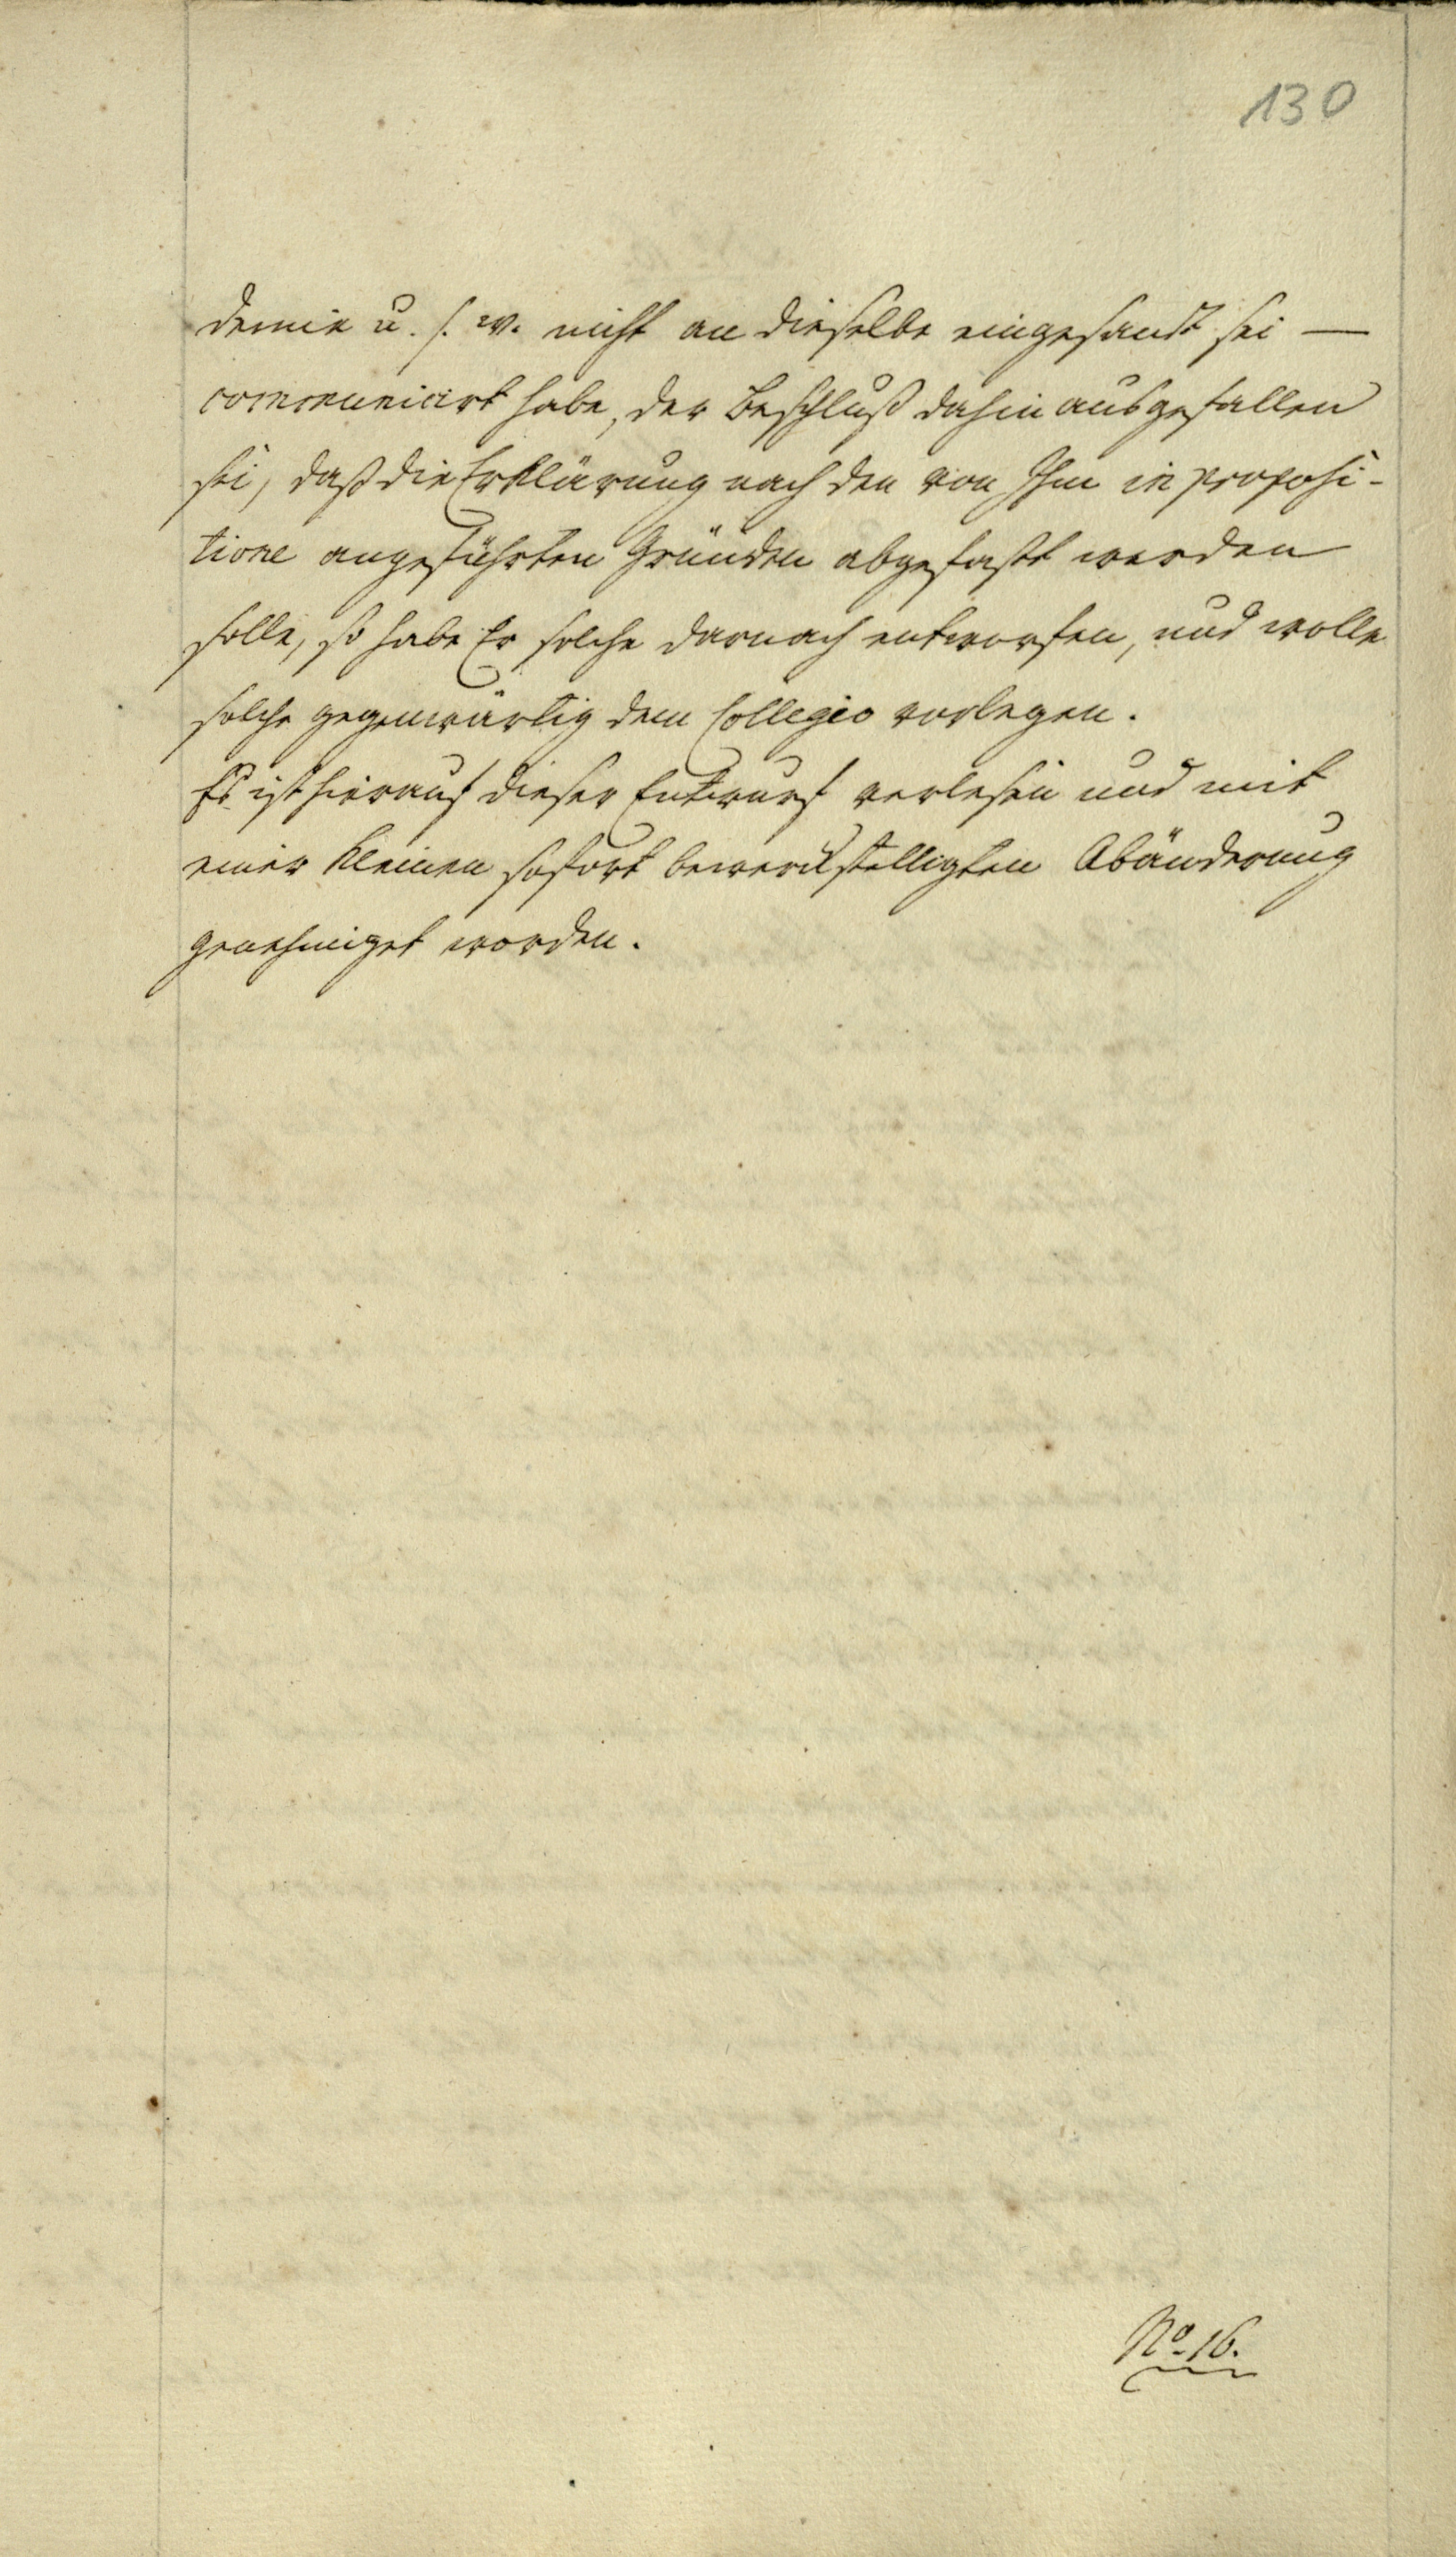demie u. s. w. nicht an dieselbe eingesandt sei
communicirt habe, der Beschluß dahin ausgefallen
sei, daß die Erklärung nach den von Ihm in proposi¬
tione angeführten Gründen abgefaßt werden
solle, so habe Er solche darnach entworfen, und wolle
solche gegenwärtig dem Collegio vorlegen.
Es ist hierauf dieser Entwurf verlesen und mit
einer kleinen sofort bewerckstelligten Abänderung
genehmiget worden.
No 16.